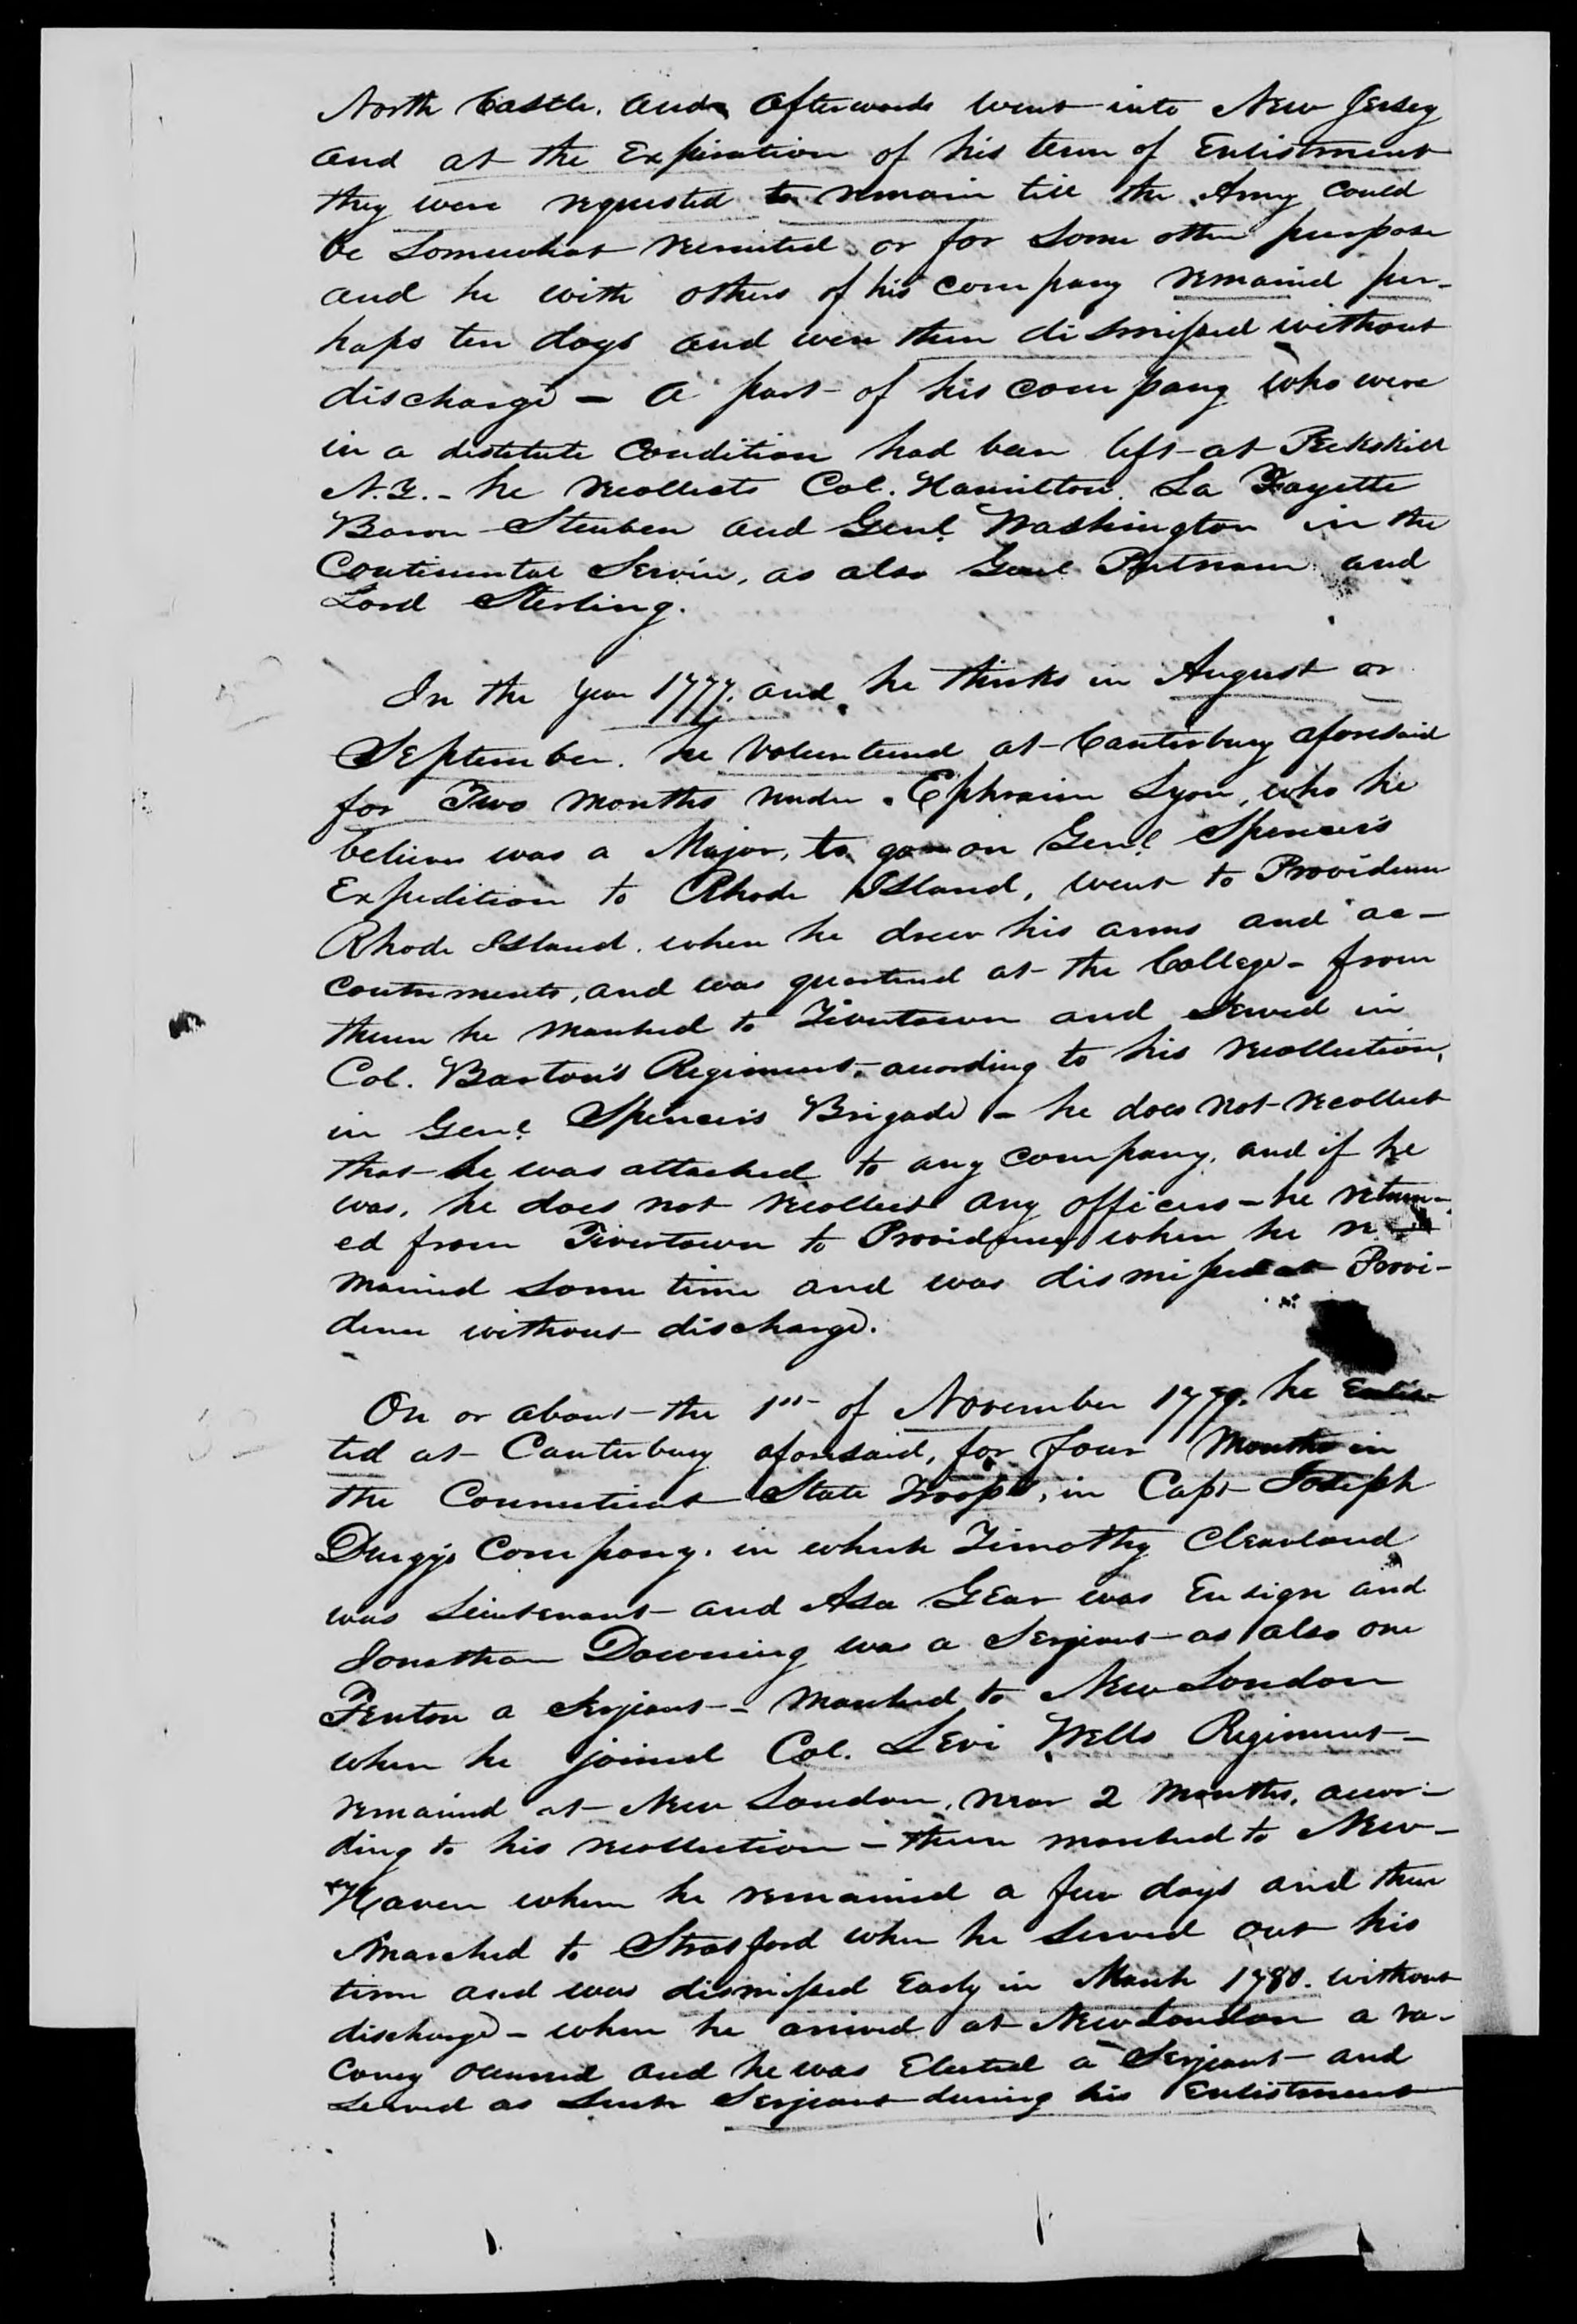North Castle and afterwards went into New Jersey and at the expiration of his term of Enlistment they were requested to remain till the Army could be somewhat reenlisted or for some other purpose and he with others of his company remained perhaps ten days and were then dismissed without discharge - A part of his company who were in a destitute condition had been left at Peekskill N.Y. - he recollects Colonel Hamilton La Fayette Baron Steuben and General Washington in the Continental Service, as also General Putnam and Lord Sterling.

In the year 1777 and he thinks in August or September he volunteered at Canterbury aforesaid for two months under Ephraim Lyon who he believes was a Major to go on General Spencer's Expedition to Rhode Island, went to Providence Rhode Island when he his arms ascouterments and was quartered at the College - from there he marched to Tivertown and served in Colonel Barton's regiment according to his recollection, in General Spencer's Brigade - he does not recollect that he was attached to any Company and if he was, he does not recollect any officers - he returned from Tivertown to Providence where he remained some time and was dismissed at Providence without discharge.

On or about the 1st of November 1779, he enlisted at Canterbury aforesaid for four months in Connecticut State Troops in Captain Joseph Dugg's Company in which Timothy Cleveland was Lieutenant and Asa Gear was Ensign and Jonathan Downing was a Sergeant - as also one Fenton a Sergeant - marched to New London when he joined Colonel Levi Wells Regiment - remained at New London near 2 months according to his recollection - then marched to New Haven where he remained a few days and then marched to Stratford where he served out his time and was dismissed early in March 1780 without discharge - when he arrived at New London a vacancy occurred and he was elected a Sergeant - and served as such Sergeant during his enlistment.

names: [BLANK] La Fayette; [BLANK] Putnam; [BLANK] Bacon; [BLANK] Steuben; Ephraim Lyon; Timothy Cleveland; [BLANK] Washington; [BLANK] Hamilton; [BLANK] Sterling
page: 7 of 27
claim: widow's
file: W. 24,500, for James Leach, Connecticut